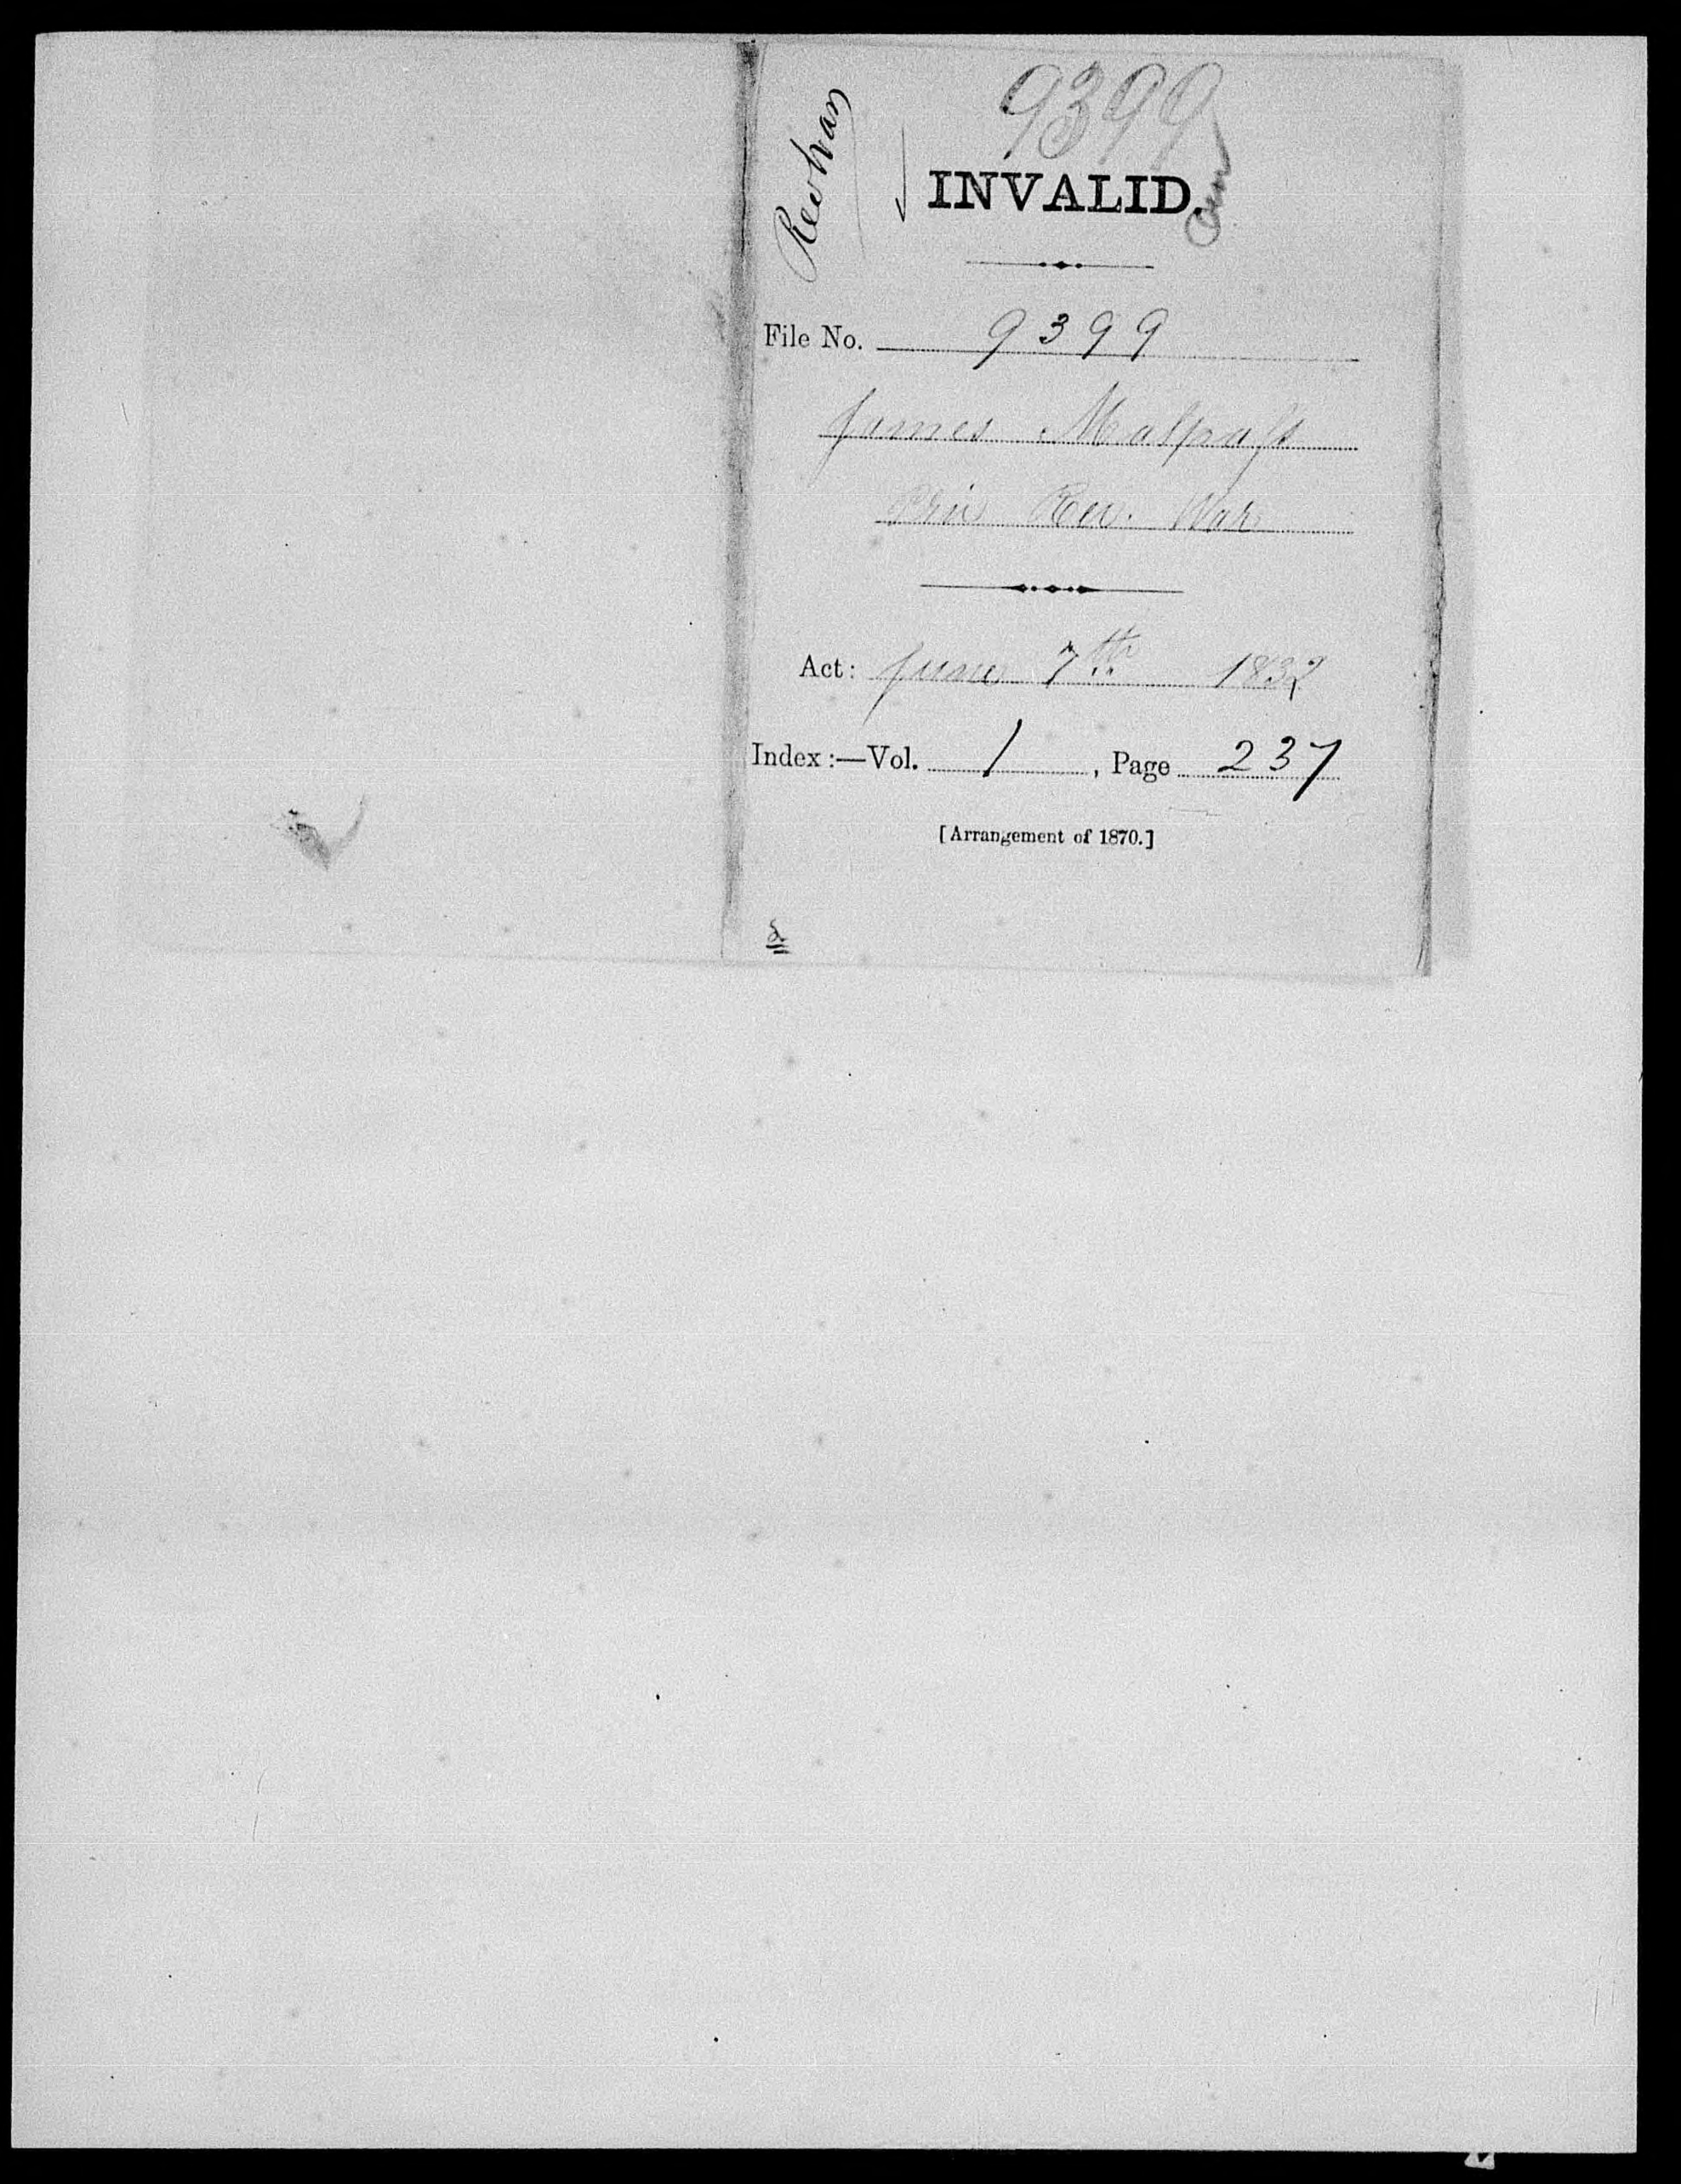9399
Rechan
INVALID
[illegible]
File No. 9399
James Malpass
Pri. Rev. War
Act: June 7th 1832
Index: -- Vol. 1, Page 237
[Arrangement of 1870.]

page: 4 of 9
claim: survivor's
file: S. 9,399, for James Malpass, North Carolina